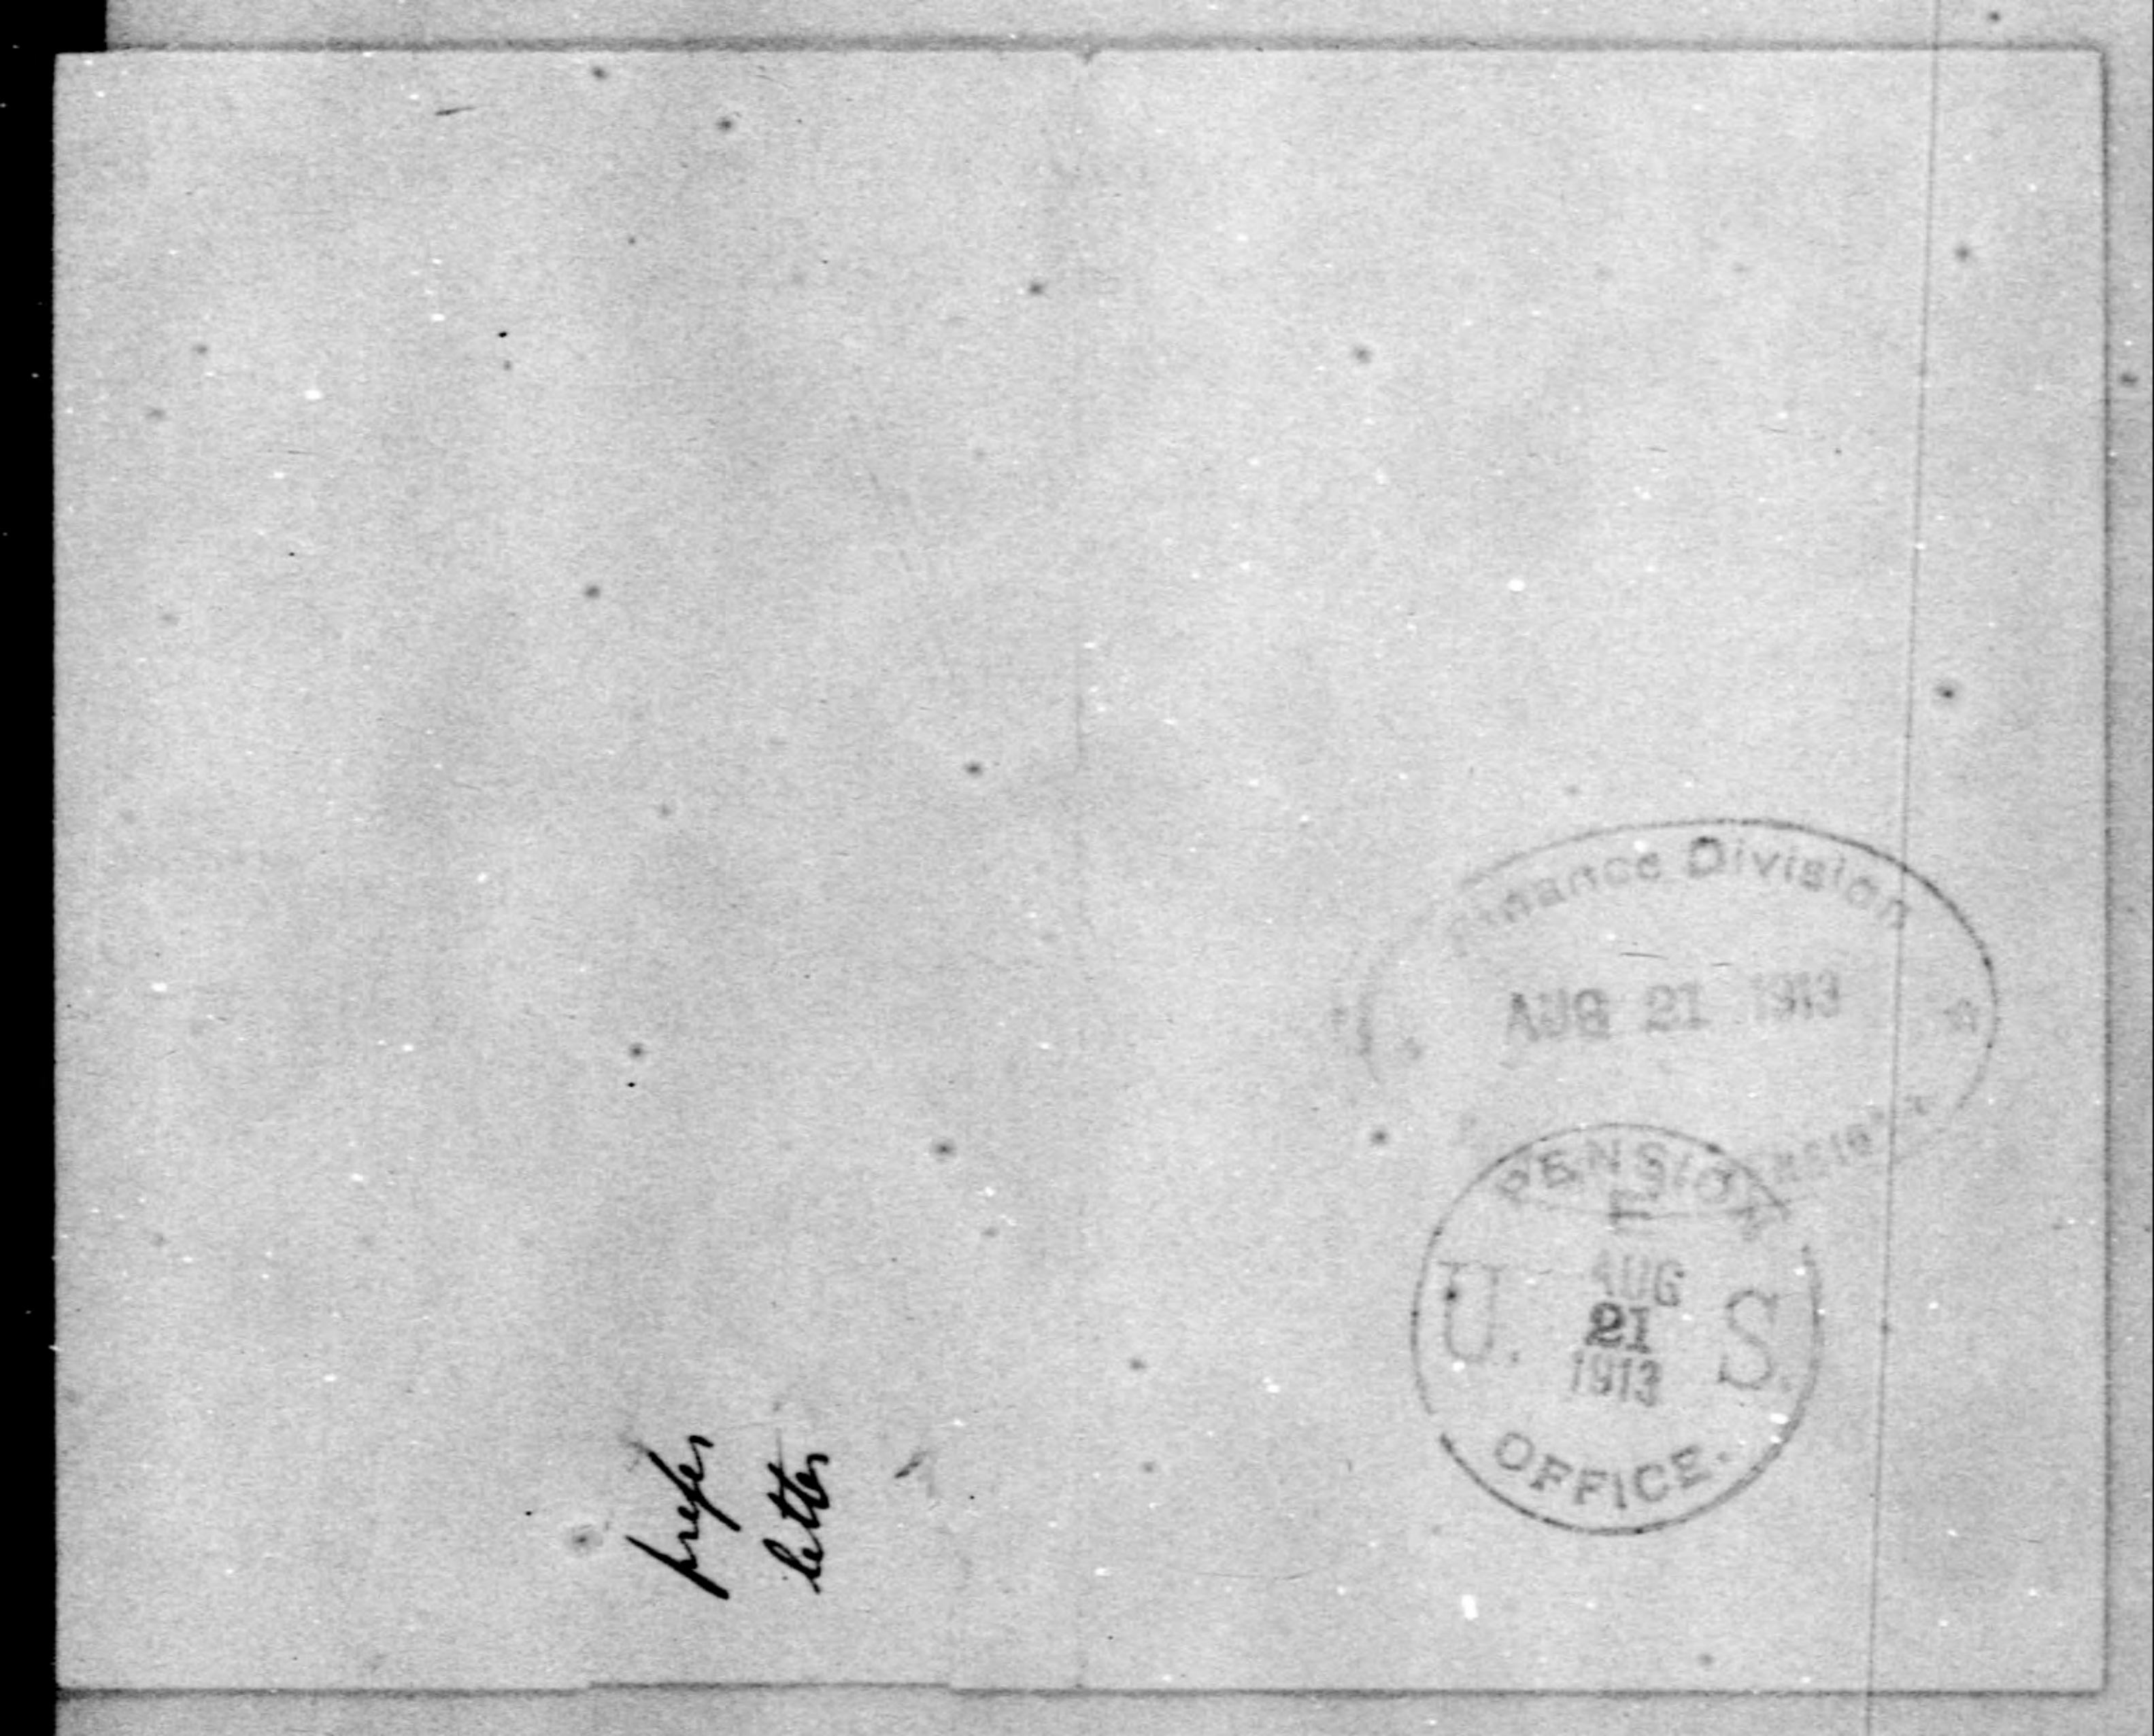[date stamp]
Finance Division
[lower half illegible]

[date stamp]
U.S. PENSION OFFICE.
E
AUG 21 1913


[written sideways]
prefer letter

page: 25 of 59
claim: bounty land warrant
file: B.L.Wt. 2359-500, for Owen Roberts, South Carolina